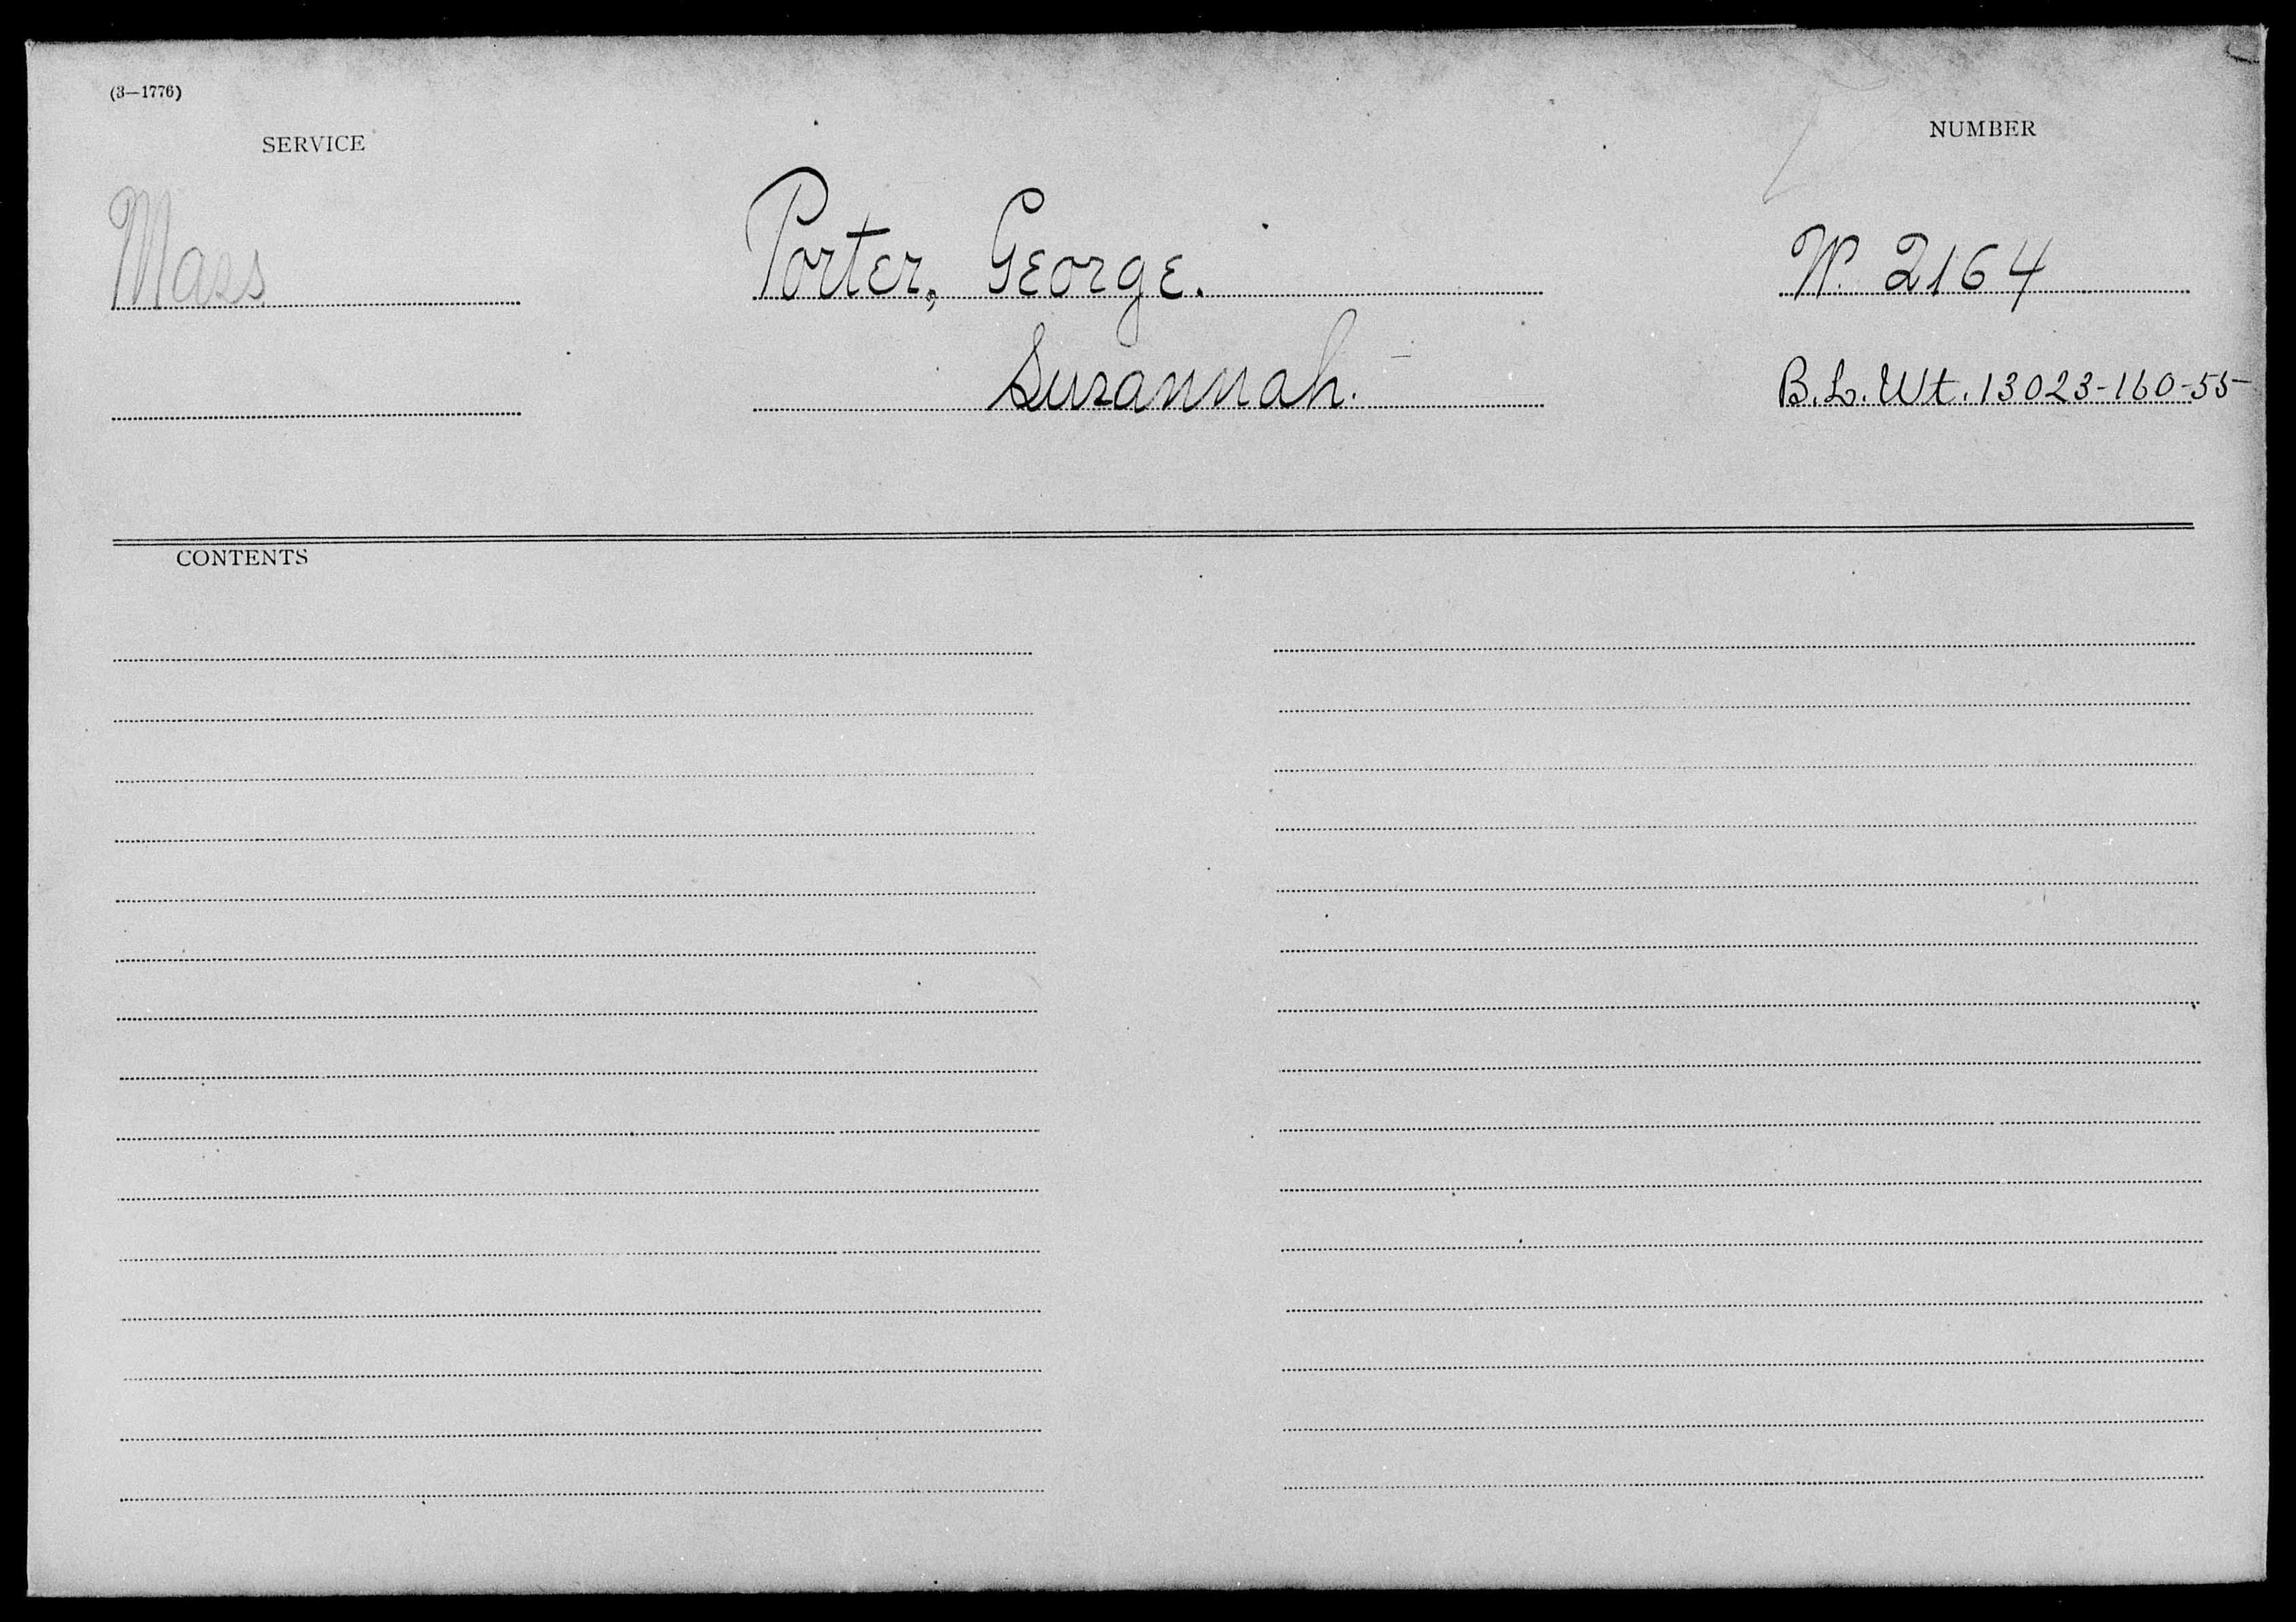(3-1776)
SERVICE Mass
Porter, George
Susannah.
NUMBERW. 2164
B.L.Wt. 13023-160-55
CONTENTS [BLANK]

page: 1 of 49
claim: widow's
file: W. 2164, for George Porter, Massachusetts